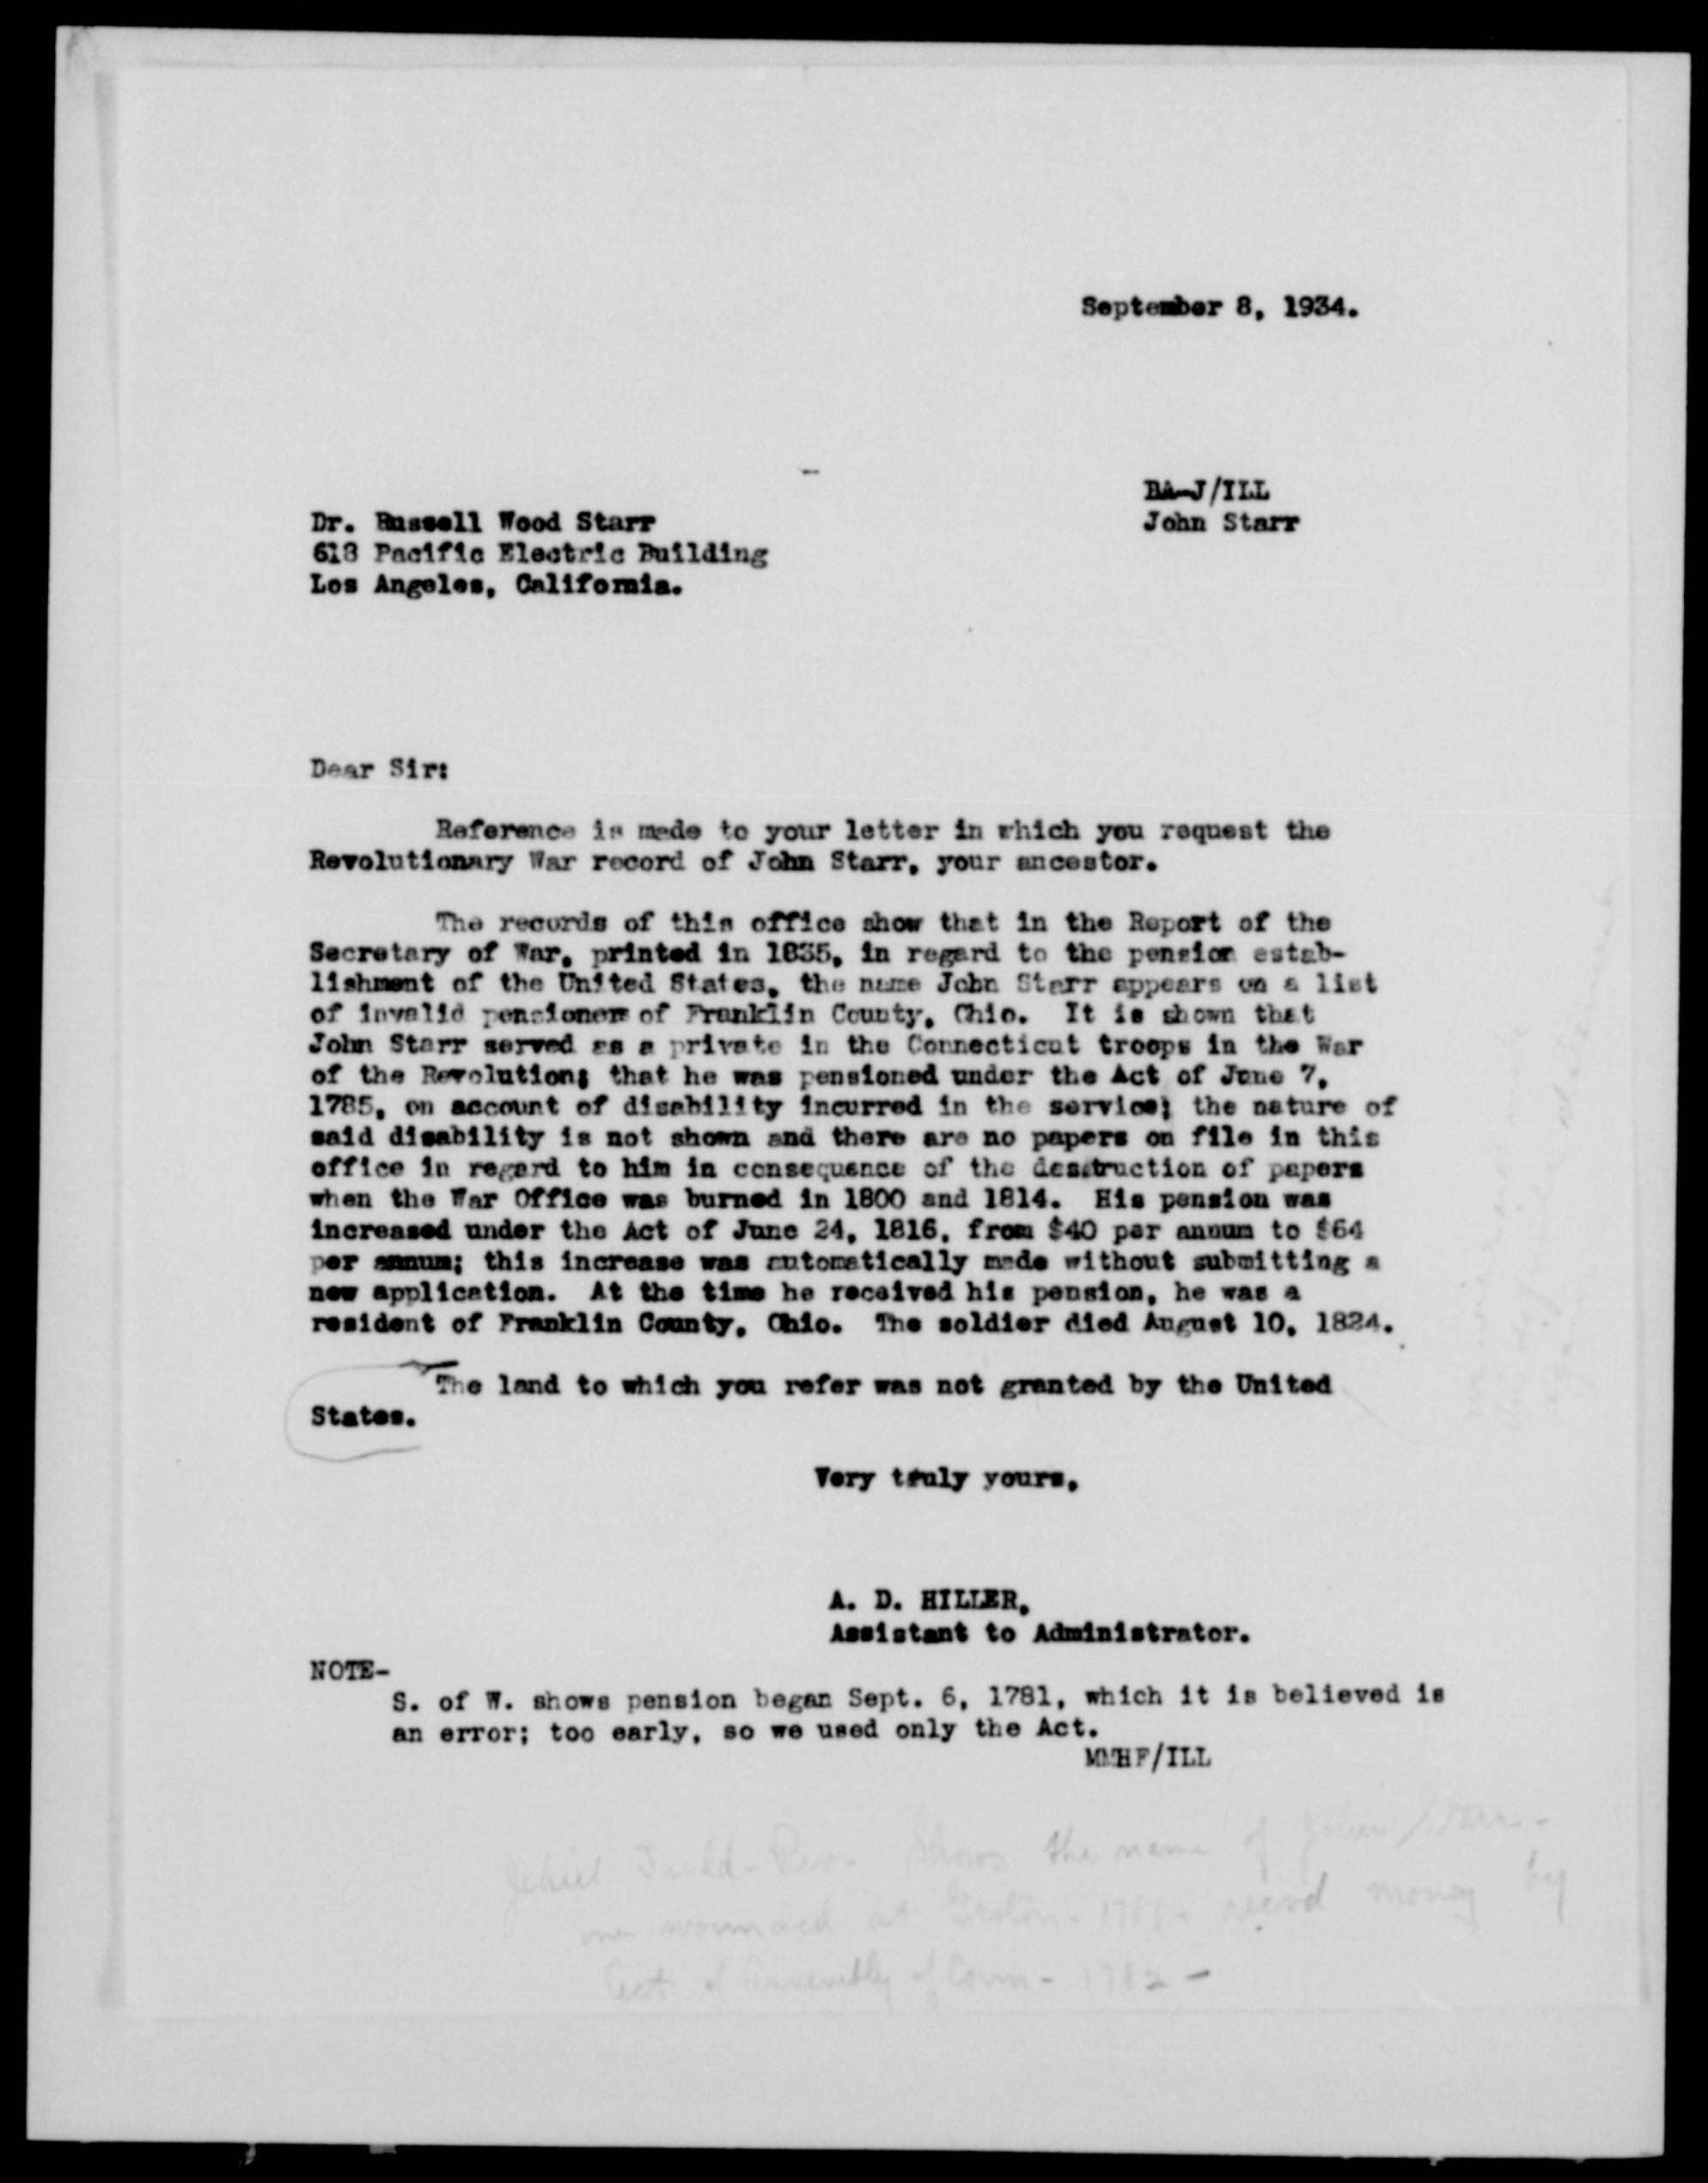September 8, 1934.

                                                                                  BA-J/ILL
Dr. Russell Wood Starr                                              John Starr
613 Pacific Electric Building
Los Angeles, California.

Dear Sir:
Reference is made to your letter in which you request the
Revolutionary War record of John Starr, your ancestor.
The records of this office show that in the Report of the
Secretary of War, printed in 1835, in regard to the pension establishment
of the United States, the name John Starr appears on a list
of invalid pensioners of Franklin County, Ohio. It is shown that
John Starr served as a private in the Connecticut troops in the War
of the Revolution; that he was pensioned under the Act of June 7,
1785, on account of disability incurred in the service the nature of
said disability is not shown and there are no papers on file in this
office in regard to him in consequence of the destruction of papers
when the War Office was burned in 1800 and 1814. His pension was
increased under the Act of June 24, 1816, from $40 per annum to $64
per annum; this increase was automatically made without submitting a
new application. At the time he received his pension, he was a
resident of Franklin County, Ohio. The soldier died August 10, 1824.
The land to which you refer was not granted by the United
States.
Very truly yours,
A. D. HILLER,
Assistant to Administrator
NOTE --
Dr.
S. of W. shows pension began Sept. 6, 1781, which it is believed is
an error; too early, so we used only the Act.
MHF/ILL

Schiel Judd - Rev- Shows the name of John Starr-
was wounded at Girton - 1781 - recvd money by
Act of Assembly of Conn - 1782 -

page: 6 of 7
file: for John Starr, Connecticut